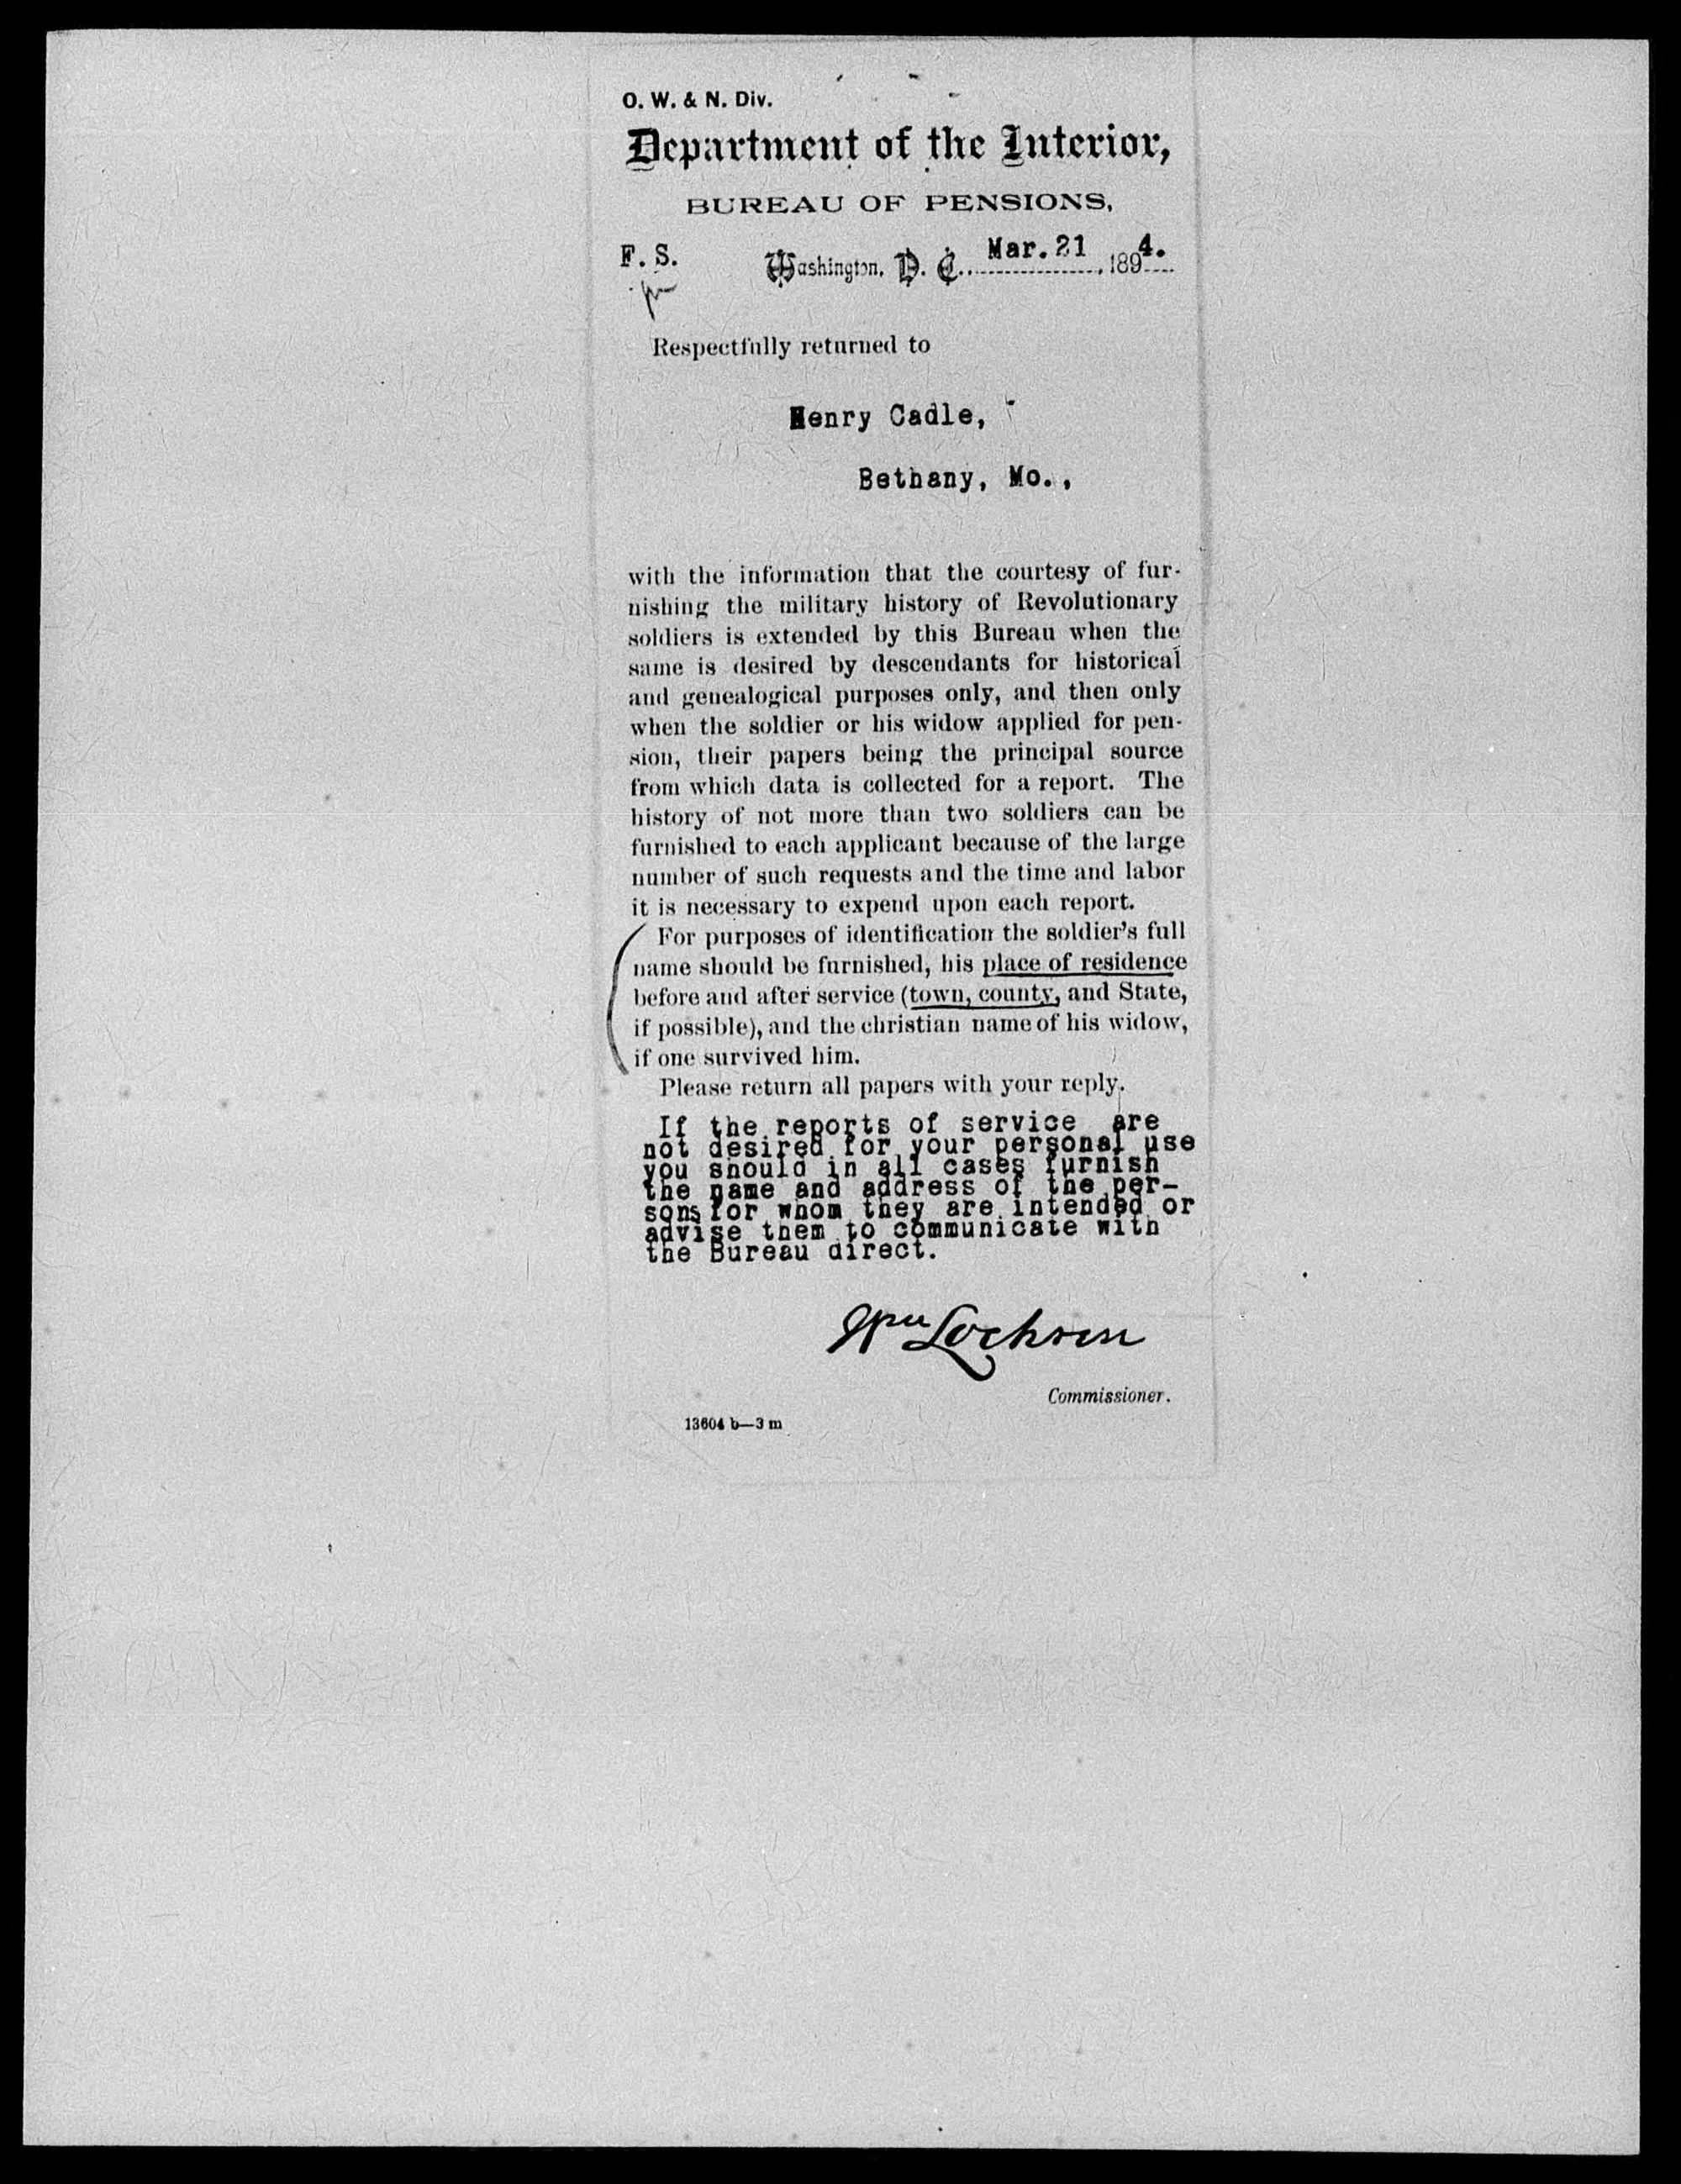O. W. & N. Div.
Department of the Interior,
BUREAU OF PENSIONS
F. S. Washington, D. C. Mar. 21 1894.

Respectfully returned to
Henry Cadle,
Bethany, Mo.,
with the information that the courtesy of furnishing the military history of Revolutionary
soldiers is extended by this Bureau when the same is desired by descendants for historical
and genealogical purposes only, and then only
when the soldier or his widow applied for pension, their papers being the principal source from which data is collected for a report. The history of not more than two soldiers can be furnished to each applicant because of the large number of such requests and the time and labor it is necessary to expend upon each report. For purposes of identification the soldier's full name should be furnished, his place of residence before and after service (town, county, and State,
if possible), and the christian name of his widow, if one survived him. Please return all papers with your reply.
If the reports of service are not desired for your personal use you should in all cases furnish the name and address of the persons
for whom they are intended or advise them to communicate with the Bureau direct.
Wm [WILLIAM] Lochren
Commissioner
13604 b -- 3m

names: Henry Cadle; Wm Lochren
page: 44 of 53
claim: widow's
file: W. 492, for Daniel Lamprey, New Hampshire